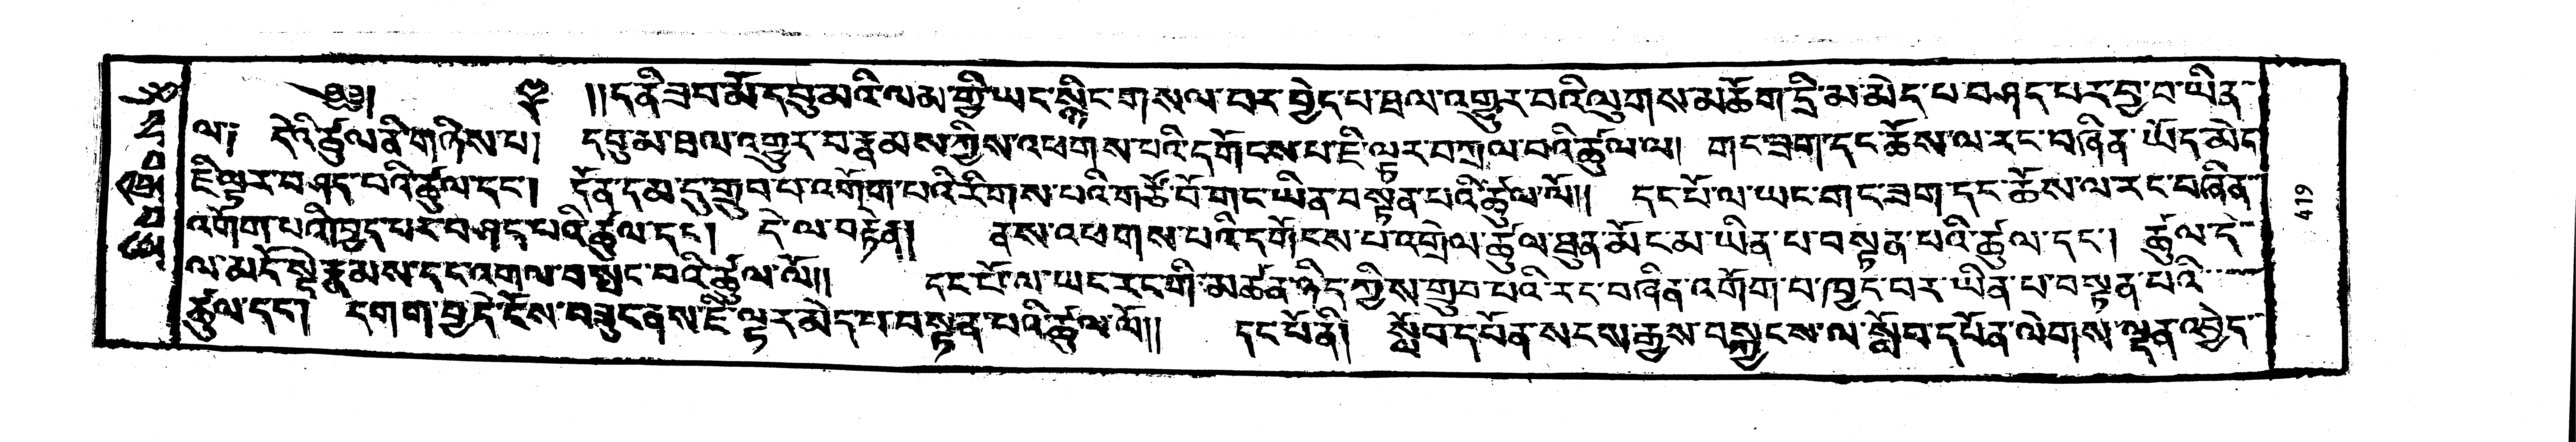༄༅། ༈ །།ད་ནི་ཟབ་མོ་དབུ་མའི་ལམ་གྱི་ཡང་སྙིང་གསལ་བར་བྱེད་པ་ཐལ་འགྱུར་བའི་ལུགས་མཆོག་དྲི་མ་མེད་པ་བཤད་པར་བྱ་བ་ཡིན་
ལ། དེའི་ཚུལ་ནི་གཉིས་པ། དབུ་མ་ཐལ་འགྱུར་བ་རྣམས་ཀྱིས་འཕགས་པའི་དགོངས་པ་ཇི་ལྟར་བཀྲལ་བའི་ཚུལ་ལ། གང་ཟག་དང་ཆོས་ལ་རང་བཞིན་ཡོད་མེད་
ཇི་ལྟར་བཤད་པའི་ཚུལ་དང་། དོན་དམ་དུ་གྲུབ་པ་འགོག་པའི་རིགས་པའི་གཙོ་བོ་གང་ཡིན་བསྟན་པའི་ཚུལ་ལོ། །དང་པོ་ལ་ཡང་གང་ཟག་དང་ཆོས་ལ་རང་བཞིན་
འགོག་པའི་ཁྱད་པར་བཤད་པའི་ཚུལ་དང་། དེ་ལ་བརྟེན། ནས་འཕགས་པའི་དགོངས་པ་འགྲེལ་ཚུལ་ཐུན་མོང་མ་ཡིན་པ་བསྟན་པའི་ཚུལ་དང་། ཚུལ་དེ་
ལ་མདོ་སྡེ་རྣམས་དང་འགལ་བ་སྤང་བའི་ཚུལ་ལོ། །དང་པོ་ལ་ཡང་རང་གི་མཚན་ཉིད་ཀྱིས་གྲུབ་པའི་རང་བཞིན་འགོག་པ་ཁྱད་པར་ཡིན་པ་བསྟན་པའི་
ཚུལ་དང་། དགག་བྱ་དེ་ངོས་བཟུང་ནས་ཇི་ལྟར་མེད་པ་བསྟན་པའི་ཚུལ་ལོ། །དང་པོ་ནི། སློབ་དཔོན་སངས་རྒྱས་བསྐྱངས་ལ་སློབ་དཔོན་ལེགས་ལྡན་འབྱེད་